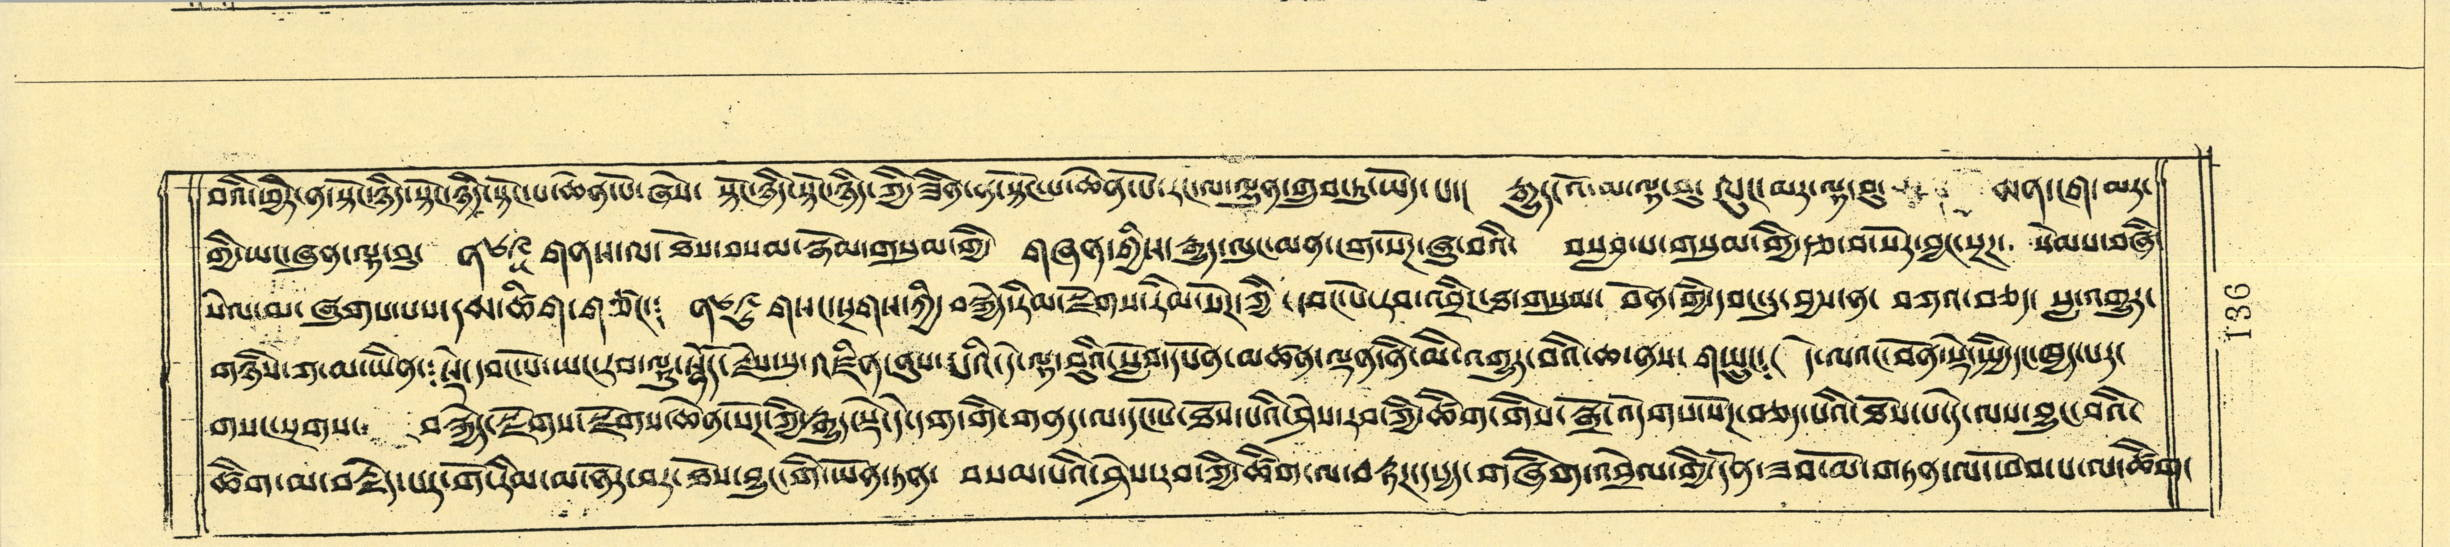བའི་ཕྱིར་ན་སྟོང་ཉིད་སྟོང་ཉིད་སྟོང་པ་ཆེན་པོ་ཞེས་སྟོང་ཉིད་སྟོང་ཉིད་ཀྱིས་ཟིན་སྟོང་པ་ཆེན་པོ་རང་ལ་ལྷུན་གྲུབ་ཏུ་ཡོད་པ་༼རྒྱུད༽འོ་མ་ལྟ་བུ་༼ལུང༽མར་ལྟ་བུ་༼མན་ངག༽མར་
གྱི་ཡང་ཞུན་ལྟ་བུ་ན༦༩།༥༼གནས་ལ༽ཐོས་བསམ་སྒོམ་གསུམ་གྱི་ ༼གཞན་གྱིས་༽རྒྱུད་ལུང་མན་ངག་སོགས་ཞུ་བའི་བསླབ་པ་གསུམ་གྱི་རྩ་བ་སོར་བྱང་སྔགས་སེམས་བཞི་
སེལ་མ་ཞུགས་པས་༼དམ་ཚིག་གཙང༽ན༦༩།༦༼གསང་སྔགས་ཀྱི༽བསྐྱེད་རིམ་རྫོགས་རིམ་སོགས་ཀྱི་དབང་པོ་རབ་འབྲིང་ཐ་གསུམ་བོན་གྱི་དབང་དུ་བྱས་ན་བཀའ་བཅད་སླ་འགྱུར་
གཉིས་ཀ་མ་ཡིན་པའི་༼སྡེ་༽དབང་པོ་ཡང་རབ་ལྟ་བུ་༼སྣོད་༽རྗེས་སུ་འཛིན་ནུས་པའི་དེ་ལྟ་བུའི་སློབ་དཔོན་མཚན་ལྡན་ནི་མི་འགྱུར་བའི་ཆ་ནས་༼གཡུང་དྲུང༽དེ་ལའང་བོན་སྡེ་སྤྱི་དང་ཁྱད་པར་
གསང་སྔགས་བསྐྱེད་རྫོགས་རྫོགས་ཆེན་སོགས་ཀྱི་རྒྱུད་སྡེ་དེ་དག་གི་གནད་ལ་དང་པོ་ཐོས་པའི་ཤེས་རབ་ཀྱིས་ཚིག་གི་སྒྲོ་འདོགས་སོགས་བཅད་པའི་ཐོས་པ་དེ་ལས་བྱུང་བའི་
ཚིག་མ་བརྗེད་པར་གོ་རིམ་མ་ནོར་བར་ཐོས་བྱུང་གི་ཡོན་ཏན་བསམ་པའི་ཤེས་རབ་ཀྱིས་ཚིག་ལ་བརྟག་དཔྱད་གཞིགས་འབྲེལ་གྱི་དོན་ཟབ་མོ་གཏན་ལ་ཕོབས་པ་ལ་ཚིག་